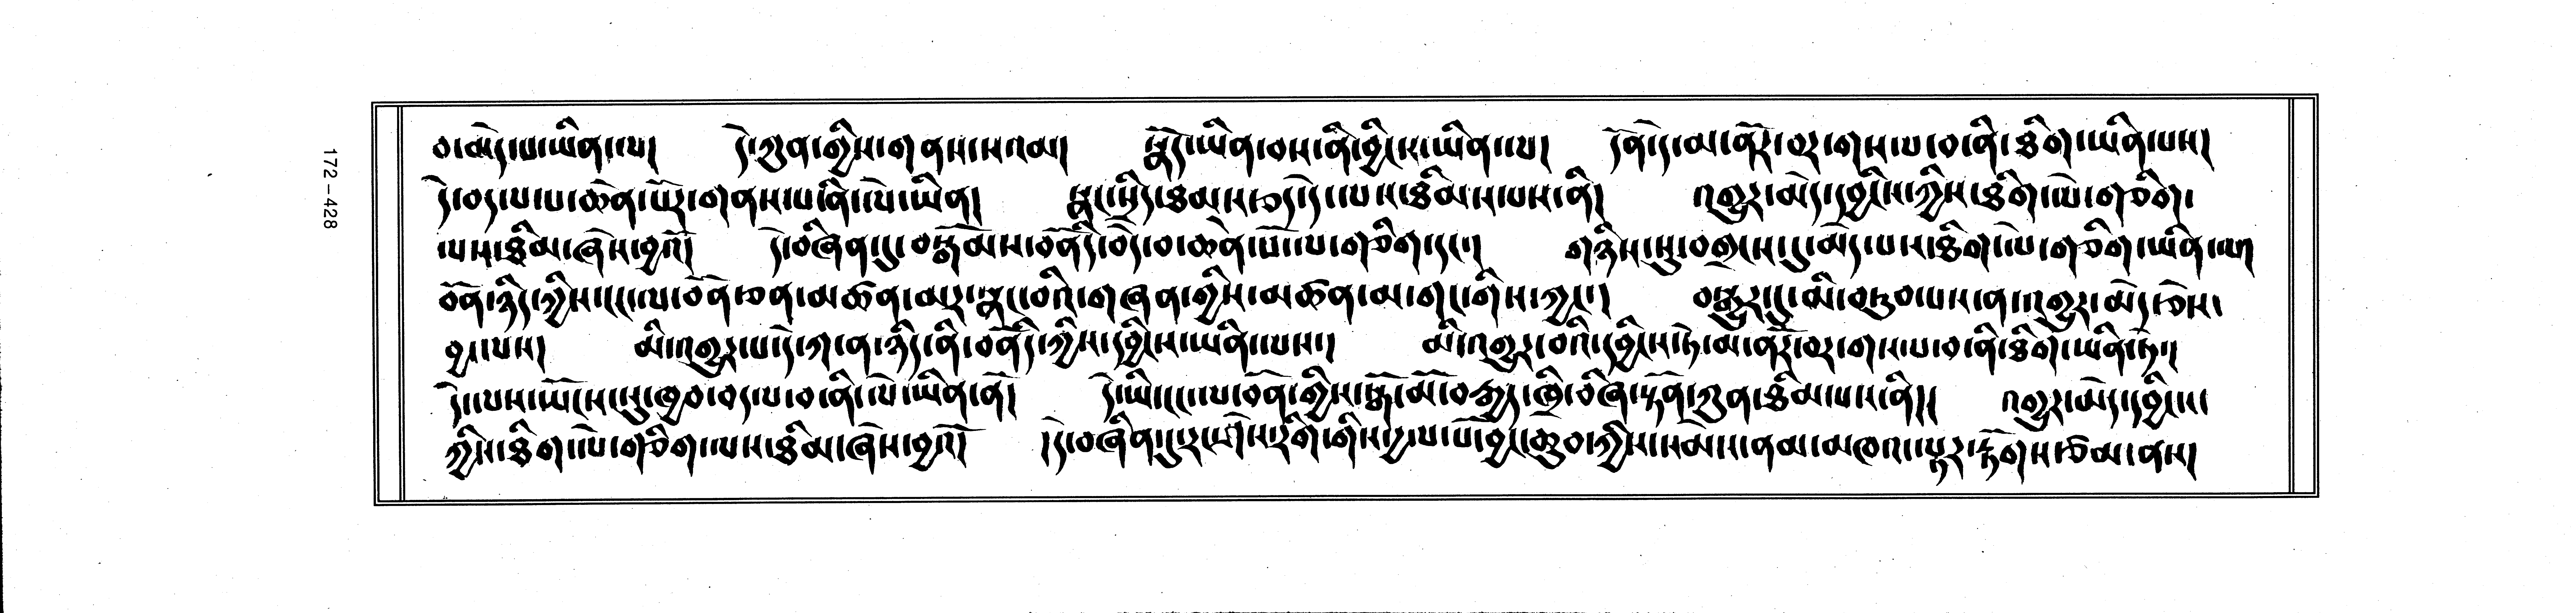བ་མེད་པ་ཡིན་ལ། དེ་ཀུན་གྱིས་གནས་ས་འམ། སྣོད་ཡིན་བས་ནི་བྱིངས་ཡིན་ལ། དོན་དེ་མ་ནོར་བར་གསལ་བ་ནི་ཐིག་ཡིན་པས། 
དེ་བདལ་པ་ཆེན་པོ་གནས་པ་ནི་ལེ་ཡིན། སྣང་སྲིད་ཐམས་ཅད་དེ་ལས་ཐིམས་པས་ནི། འགྱུར་མེད་དབྱིངས་ཀྱིས་ཐིག་ལེ་གཅིག་
ལས་ཐིམ་ཞེས་བྱའོ། དེ་བཞིན་དུ་བསྒོམས་བོན་ཉིད་བདེ་བ་ཆེན་པོ་ལ་གཅིག་དང་། གཉིས་སུ་བགྲངས་དུ་མེད་པས་ཐིག་ལེ་གཅིག་ཡིན་ལ། 
བོན་ཉིད་ཀྱིས་ངང་ལ་བོན་ཅན་མཚན་མར་སྣང་བའི་གཞན་གྱིས་མཚན་མ་གང་གིས་ཀྱང་། བརྒྱུར་དུ་མི་བཏུབ་པས་ན་འགྱུར་མེད་ཅེས་
བྱ་ལས། མི་འགྱུར་པ་དེ་ཀ་ན་ཉིད་ནི་བོན་ཉིད་ཀྱིས་དབྱིངས་ཡིན་ལས། མི་འགྱུར་བའི་དབྱིངས་ཏེ་མ་ནོར་བར་གསལ་བ་ནི་ཐིག་ཡིན་ཏེ། 
དེ་ལས་ཡོངས་སུ་ཁྱབ་བདལ་བ་ནི་ལེ་ཡིན་ནོ། དེ་ཡི་ངང་ལ་བོན་གྱིས་སྒོ་མོ་བརྒྱད་ཁྲི་བཞི་སྟོན་ཀུན་ཐིམ་པས་ནི། འགྱུར་མེད་དབྱིངས་
ཀྱིས་ཐིག་ལེ་གཅིག་ལས་ཐིམ་ཞེས་བྱའོ། དེ་བཞིན་དུ་རང་ཤེས་རིག་གི་རྒྱལ་པོ་བྱང་ཆུབ་ཀྱིས་སེམས་ནམ་མཁའ་ལྟར་རྟོགས་ཙམ་ནས།